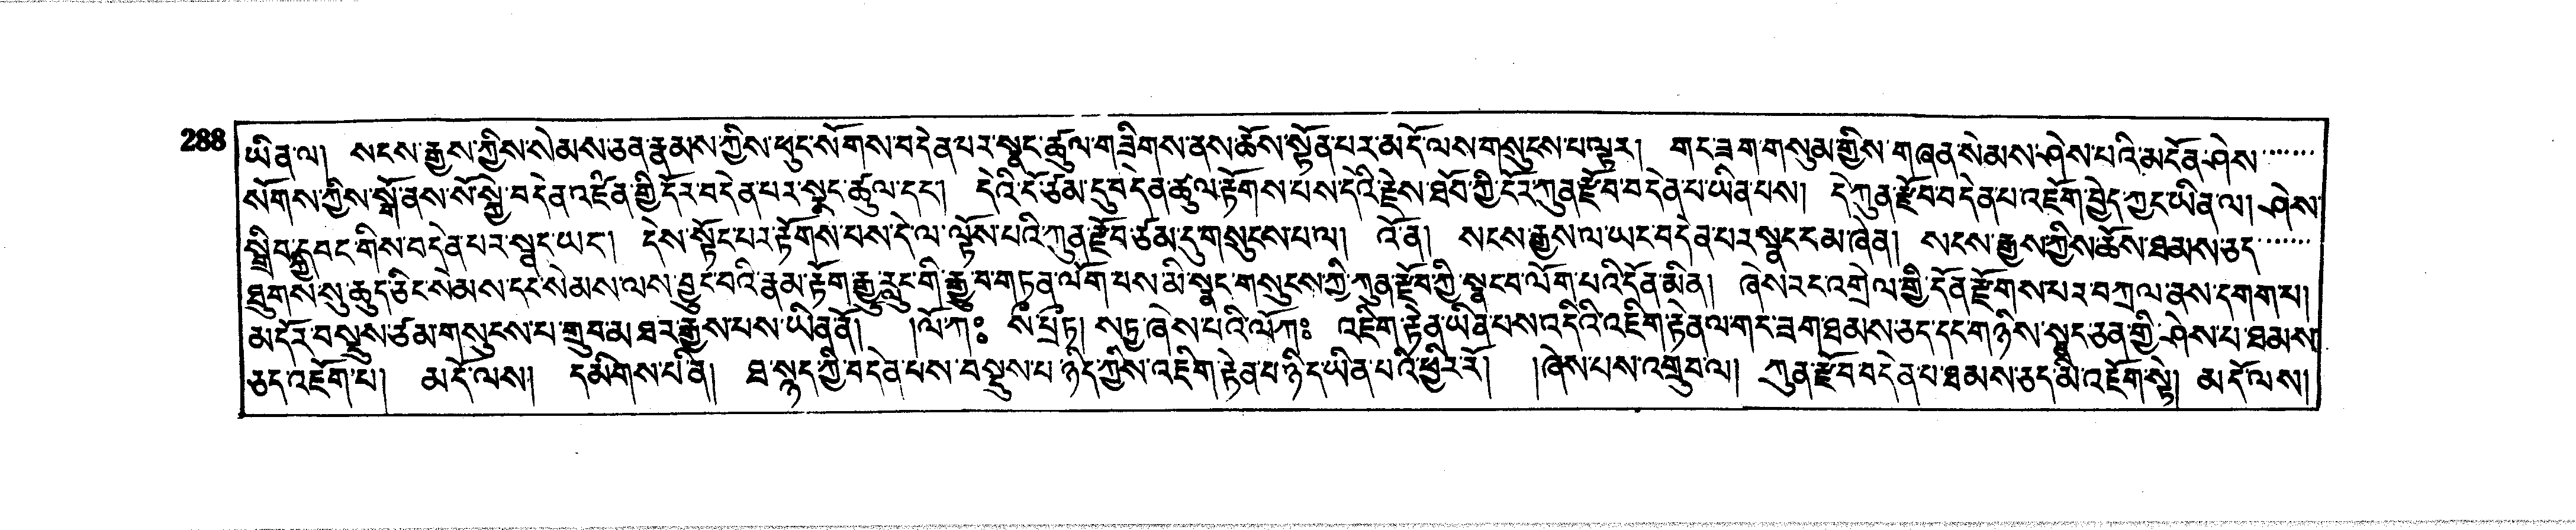ཡིན་ལ། སངས་རྒྱས་ཀྱིས་སེམས་ཅན་རྣམས་ཀྱིས་ཕུང་སོགས་བདེན་པར་སྣང་ཚུལ་གཟིགས་ནས་ཆོས་སྟོན་པར་མདོ་ལས་གསུངས་པ་ལྟར། གང་ཟག་གསུམ་གྱིས་གཞན་སེམས་ཤེས་པའི་མངོན་ཤེས་
སོགས་ཀྱིས་སྒོ་ནས་སོ་སྐྱེ་བདེན་འཛིན་གྱི་དོར་བདེན་པར་སྣང་ཚུལ་དང་། དེའི་ངོ་ཙམ་དུ་བདེན་ཚུལ་རྟོགས་པས་དེའི་རྗེས་ཐོབ་ཀྱི་ངོར་ཀུན་རྫོབ་བདེན་པ་ཡིན་པས། དེ་ཀུན་རྫོབ་བདེན་པ་འཇོག་བྱེད་ཀྱང་ཡིན་ལ། ཤེས་
སྒྲིབ་ཀྱི་དབང་གིས་བདེན་པར་སྣང་ཡང་། དེས་སྟོང་པར་རྟོགས་པས་དེ་ལ་ལྟོས་པའི་ཀུན་རྫོབ་ཙམ་དུ་གསུངས་པ་ལ། འོ་ན། སངས་རྒྱས་ལ་ཡང་བདེན་པར་སྣང་ངམ་ཞེན། སངས་རྒྱས་ཀྱིས་ཆོས་ཐམས་ཅད་
ཐུགས་སུ་ཆུད་ཅིང་སེམས་དང་སེམས་ལས་བྱུང་བའི་རྣམ་རྟོག་རྒྱུ་རླུང་གི་རྒྱུ་བ་གཏན་ལོག་པས་མི་སྣང་གསུངས་ཀྱི་ཀུན་རྫོབ་ཀྱི་སྣང་བ་ལོག་པའི་དོན་མིན། ཞེས་རང་འགྲེལ་གྱི་དོན་རྫོགས་པར་བཀྲལ་ནས་དགག་པ།
མདོར་བསྡུས་ཙམ་གསུངས་པ་གྲུབ་མཐར་རྒྱས་པར་ཡིན་ནོ། །ལོ་ཀཿ སྀ་པྲྀཏ། སཏྱ་ཞེས་པའི་ལོ་ཀཿ འཇིག་རྟེན་ཡིན་པས་འདིའི་འཇུག་རྟེན་ལ་གང་ཞག་ཐམས་ཅད་དང་གཉིས་སྣང་ཅན་གྱི་ཤེས་པ་ཐམས་
ཅད་འཇོག་པ། མདོ་ལས། དམིགས་པ་ནི། ཐ་སྙད་ཀྱི་བདེན་པས་བསྡུས་པ་ཉིད་ཀྱིས་འཇིག་རྟེན་པ་ཉིད་ཡིན་པའི་ཕྱིར་རོ། །ཞེས་པས་འགྲུབ་ལ། ཀུན་རྫོབ་བདེན་པ་ཐམས་ཅད་མི་འཇིག་སྟེ། མདོ་ལས།